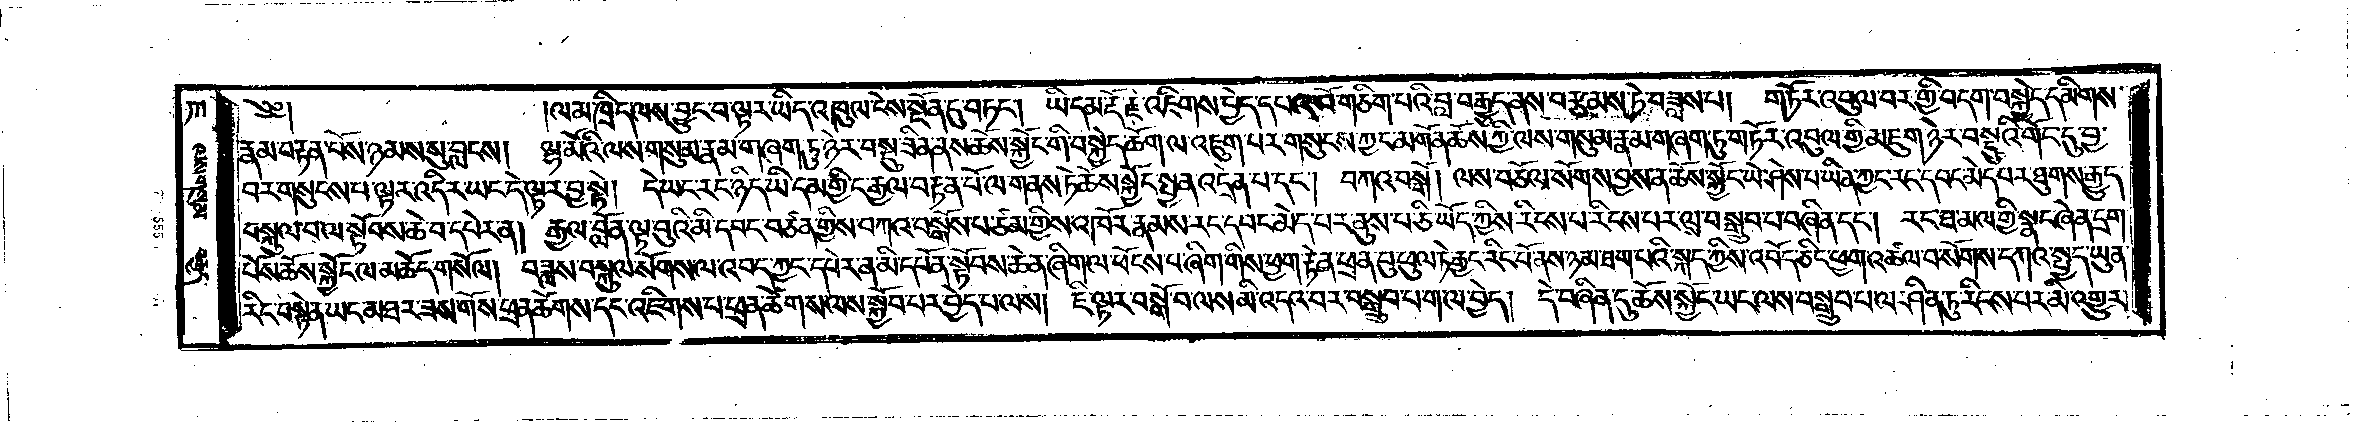༄༅། །ལམ་ཁྲིད་ལས་བྱུང་བ་ལྟར་ཡིད་འཁུལ་ངེས་སྔོན་དུ་བཏང་། ཡི་དམ་རྡོ་རྗེ་འཇིགས་བྱེད་དཔའ་བོ་གཅིག་པའི་བླ་བརྒྱུད་ནས་བརྩམས་ཏེ་བཟླས་པ། གཏོར་འབུལ་བར་གྱི་བདག་བསྐྱེད་དམིགས་
རྣམ་བརྟན་པོས་ཉམས་སུ་བླངས། ལྷ་མོའི་ལས་གསུམ་རྣམ་གཞག་ཏུ་ཉེར་བསྡུ་ཟིན་ནས་ཆོས་སྐྱོང་གི་བསྐྱེད་ཆོ་ག་ལ་འཇུག་པར་གསུངས་ཀྱང་མགོན་ཆོས་ཀྱི་ལས་གསུམ་རྣམ་གཞག་ཏུ་གཏོར་འབུལ་གྱི་མཇུག་ཉེར་བསྡུའི་གོང་དུ་བྱ་
པར་གསུངས་པ་ལྟར་འདིར་ཡང་དེ་ལྟར་བྱ་སྟེ། དེ་ཡང་རང་ཉིད་ཡི་དམ་གྱི་ང་རྒྱལ་བརྟན་པོ་ལ་གནས་ཏེ་ཆོས་སྐྱོང་སྦྱན་འདྲེན་པ་དང་། བཀའ་བསྒོ། ལས་བཅོལ་སོགས་བྱས་ན་ཆོས་སྐྱོང་ཡེ་ཤེས་པ་ཡིན་ཀྱང་རང་དབང་མེད་པར་ཐུགས་རྒྱུད་
བསྐུལ་བ་ལ་སྟོབས་ཆེ་བ་དཔེར་ན། རྒྱལ་བློན་ལྟ་བུའི་མི་དབང་བཙན་གྱིས་བཀའ་བསྒོས་པ་ཙམ་གྱིས་འཁོར་རྣམས་རང་དབང་མེད་བར་ནུས་པ་ཅི་ཡོད་ཀྱིས་རིངས་པ་རིངས་པར་ལས་བསྒྲུབ་པར་བཞིན་དང་། རང་ཐ་མལ་གྱི་སྣང་ཞེན་དྲག་
པོས་ཆོས་སྐྱོང་ལ་མཆོད་གསོལ། བཟླས་བསྐུལ་སོགས་ལ་འབད་ཀྱང་དཔེར་ན་མི་དཔོན་སྟོབས་ཆེན་ཞིག་ལ་ཕོངས་པ་ཞིག་གིས་ཕྱག་རྟེན་ཕྲན་བུ་ཕུལ་ཏེ་རྒྱང་རིང་པོ་ནས་ཉམ་ཐག་པའི་སྐད་ཀྱིས་འབོད་ཅིང་ཕྱག་འཚལ་བ་སོགས་དཀའ་སྤྱད་ཡུན་
རིང་བསྟེན་ཡང་མཐར་ཟས་གོས་ཕྲན་ཆོགས་དང་འཇིགས་པ་ཕྲན་ཚེགས་ལས་སྐྱོབ་པར་བྱེད་པ་ལས། ཇི་ལྟར་བསྒོ་བ་ལས་མི་འདའ་བར་བསྒྲུབ་པ་ག་ལ་བྱེད། དེ་བཞིན་དུ་ཆོས་སྐྱོང་ཡང་ལས་བསྒྲུབ་པ་ལ་ཤིན་ཏུ་རིངས་པར་མི་འགྱུར།